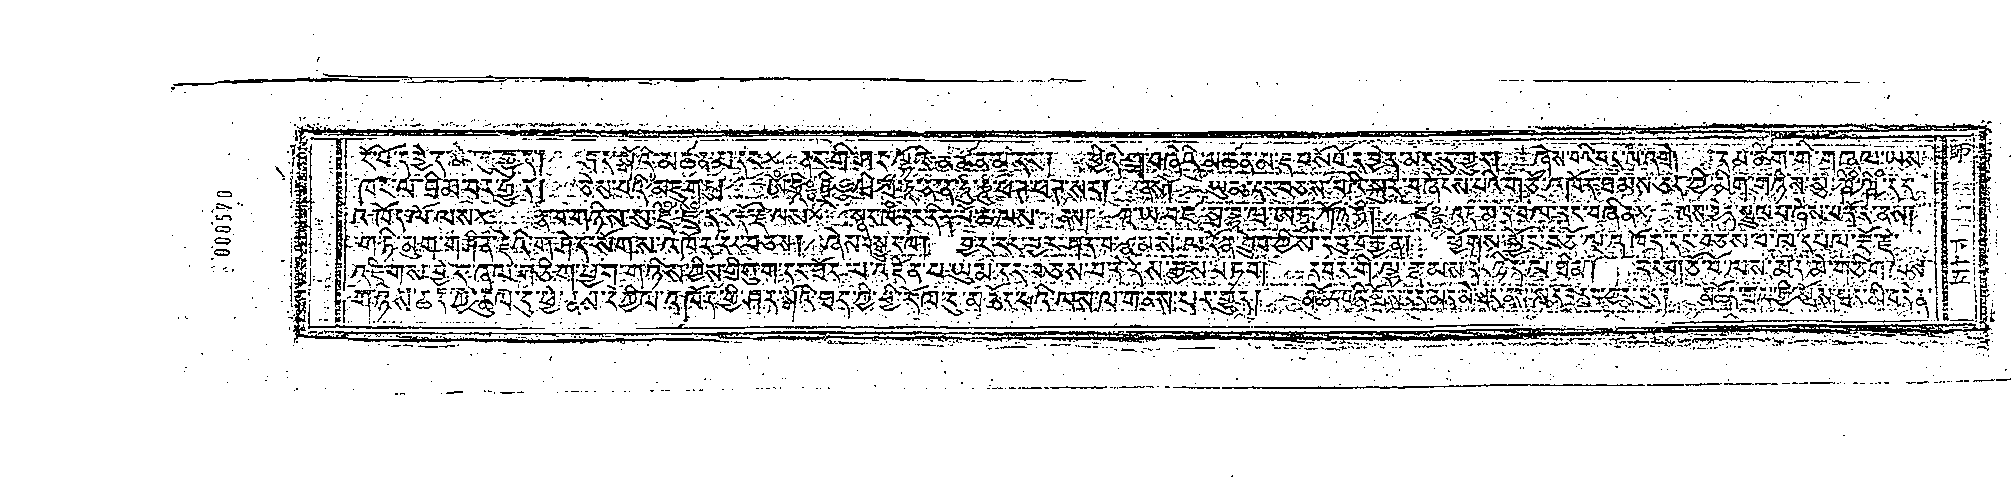ངོ་བོ་དབྱེར་མེད་དུ་གྱུར། ཤར་སྒོའི་མཚན་མ་དང་྾་ནང་གི་ཤར་ལྷོའི་མཚན་མ་དང་། ཕྱིའི་གྲྭ་བཞིའི་མཚན་མ་དངོས་པོ་དབྱེར་མེད་དུ་གྱུར། ཞེས་བའི་བར་ལ་འགྲེ། དམ་ཚིག་གི་གཞལ་ཡས་
ཁང་ལ་ཐིམ་བར་གྱུར། ཅེས་པའི་མཇུག་ཏུ། ཨོཾ་ཧྲཱིཿ་ཥྚྲཱིཿ་ཝི་ཀྲྀ་ཏཱ་ན་ན་ཧཱུཾ་ཧཱུཾ་ཕཊ་ཕཊ་སར། ནས། ཡུམ་དང་བཅས་པའི་སྐུར་བཞེངས་པའི་གཙོ་འཁོར་ཐམས་ཅད་ཀྱི་མིག་གཉིས་སུ་ཀྵིཾ་ཀྵིཾ་དང་
འཁོར་ལོ་ལས་྾་རྣ་བ་གཉིས་སུ་ཛྲིཾ་ཛྲིཾ་དང་རྡོ་རྗེ་ལས་྾་སྣང་ཁཾ་དང་རིན་པོ་ཆེ་ལས་ནས། ཀཱ་ཡ་བཛྲ་སྭ་བྷཱ་ཝ་ཨཏྨ་ཀོཉྷཾ། ཛཿ་འཇམ་དབལ་རང་བཞིན་྾་ལས་བྱེད་སྦྲུལ་པ་ཞེས་པ་དོར་ནས།
གཏི་མུག་གཤིན་རྗེའི་གཤེད་སོགས་འཁོར་དང་བཅས། ཞེས་བསྒྱུར་ལ། བྱང་དང་བྱང་ཤར་བ་རྣམས་ལ་དོན་གྲུབ་ཀྱིས་དབུ་བརྒྱན། ཕྱོགས་སྐྱོང་བཅོ་ལྔ་འཁོར་དང་བཅས་པ་ལ་དཔལ་རྡོ་རྗེ་
འཇིགས་བྱེད་ཞལ་གཅིག་ཕྱག་གཉིས་ཀྱིས་གྲི་གུག་དང་ཐོད་པ་འཛིན་པ་ཡུམ་དང་བཅས་པ་རེ་རེས་རྒྱས་བཏབ། དབང་གི་ལྷ་རྣམས་རང་ཉིད་ལ་ཐིམ། རང་གཙོ་བོ་ལས་མར་མེ་གཅིག་ལས་
གཉིས་ཆད་ཀྱི་ཚུལ་དུ་ཕྱེ་ནས་དཀྱིལ་འཁོར་གྱི་ཤར་སྒོའི་ཐད་ཀྱི་ཕྱི་རོལ་དུ་མཆོད་པའི་ལས་ལ་གནས་པར་གྱུར། མཆོད་བའི་སྤོས་དང་མར་མེ་སྦར་ནས་སླར་བརླབ་ཀྱང་རུང་། མཆོད་གྲལ་གྱི་སྤོས་སྦར་མི་བདེན་